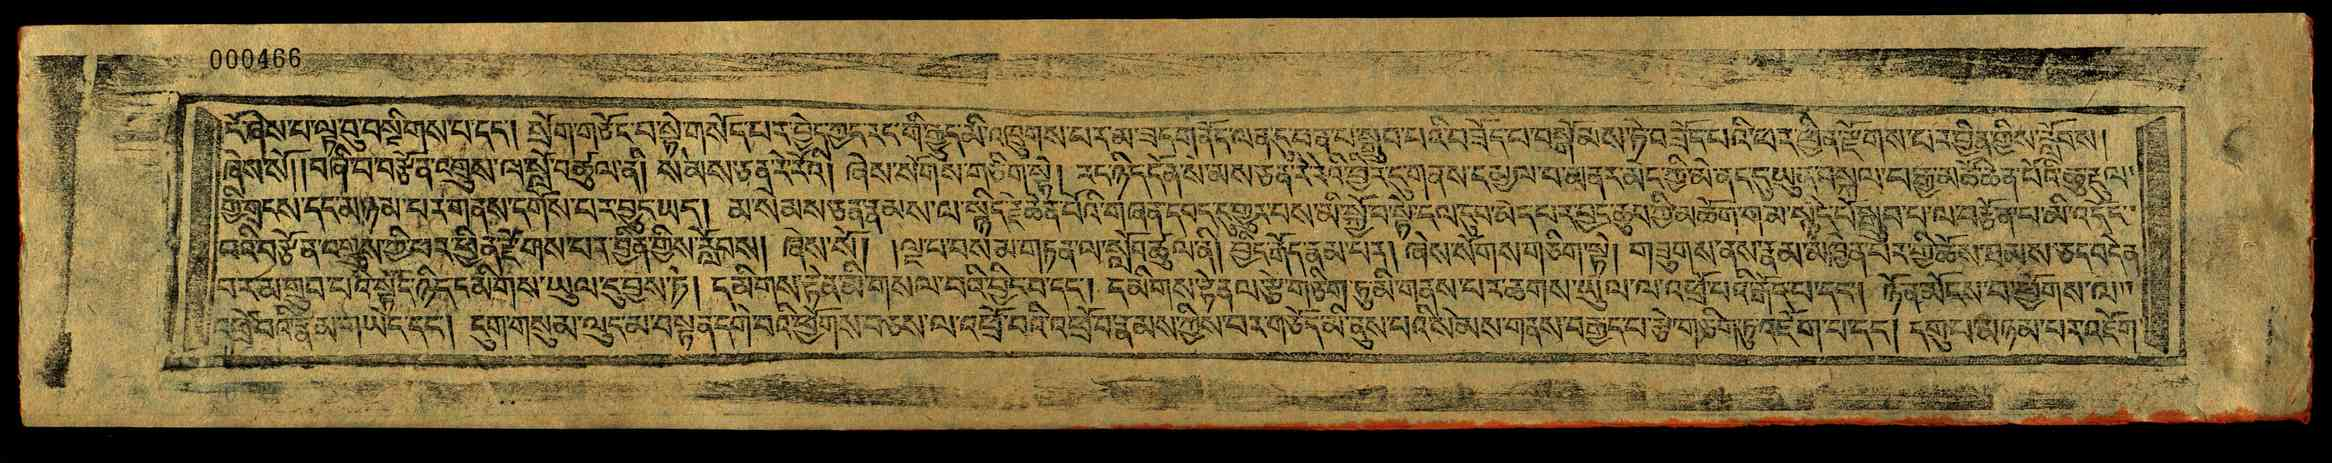ངོ་ཞེས་པ་ལྟ་བུ་བསྡིགས་པ་དང་། སྲོག་གཅོད་པ་སྟེ་གསོད་པར་བྱེད་ཀྱང་རང་གི་རྒྱུད་མི་འཁྲུགས་པར་མ་ཟད་གནོད་ལན་དུ་ཕན་པ་སྒྲུབ་པའི་བཟོད་པ་བསྒོམས་ཏེ་བཟོད་པའི་ཕར་ཕྱིན་རྫོགས་པར་བྱིན་གྱིས་རློབས།
ཞེས་སོ། །བཞི་པ་བརྩོན་འགྲུས་ལ་སློབ་ཚུལ་ནི། སེམས་ཅན་རེ་རེའི། ཞེས་སོགས་གཅིག་སྟེ། རང་ཉིད་དོན་སེམས་ཅན་རེ་རེའི་ཕྱིར་དུ་གནས་དམྱལ་བ་མནར་མེད་ཀྱི་མེ་ནང་དུ་ཡུན་བསྐལ་པ་རྒྱ་མཚོ་ཆེན་པོའི་ཆུ་རྡུལ་
གྱི་གྲངས་དང་མཉམ་པར་གནས་དགོས་པར་བྱུང་ཡང་། མ་སེམས་ཅན་རྣམས་ལ་སྙིང་རྗེ་ཆེན་པོའི་གཞན་དབང་དུ་གྱུར་པས་མི་སྐྱོ་བ་སྟེ་ནལ་དུབ་མེད་པར་བྱང་ཆུབ་ཀྱི་མཆོག་གམ་སྙིང་པོ་སྒྲུབ་པ་ལ་བརྩོན་པ་མི་འདོར་
བའི་བརྩོན་འགྲུས་ཀྱི་ཕར་ཕྱིན་རྫོགས་པར་བྱིན་གྱིས་རློབས། ཞེས་སོ། །ལྔ་པ་བསམ་གཏན་ལ་སློབ་ཚུལ་ནི། བྱིང་རྒོད་རྣམ་པར། ཞེས་སོགས་གཅིག་སྟེ། གཟུགས་ནས་རྣམ་མཁྱེན་བར་གྱི་ཆོས་ཐམས་ཅད་བདེན་
པར་མ་གྲུབ་པའི་སྟོང་ཉིད་དམིགས་ཡུལ་དུ་བྱས་ཏེ། དམིགས་རྟེན་མི་གསལ་བའི་བྱིང་བ་དང་། དམིགས་རྟེན་ལ་རྩེ་གཅིག་ཏུ་མི་གནས་པར་ཆགས་ཡུལ་ལ་འཕྲོ་བའི་རྒོད་པ་དང་། ཉོན་མོངས་པ་ཕྱོགས་ལ་
འཕྲོ་བའི་རྣམ་གཡེང་དང་། དུག་གསུམ་ལུང་མ་བསྟན་དགེ་བའི་ཕྱོགས་བཅས་ལ་འཕྲོ་བའི་འཕྲོ་བ་རྣམས་ཀྱིས་བར་གཅོད་མི་ནུས་པའི་སེམས་གནས་བརྒྱད་པ་རྩེ་གཅིག་ཏུ་འཇོག་པ་དང་། དགུ་པ་མཉམ་པར་འཇོག་